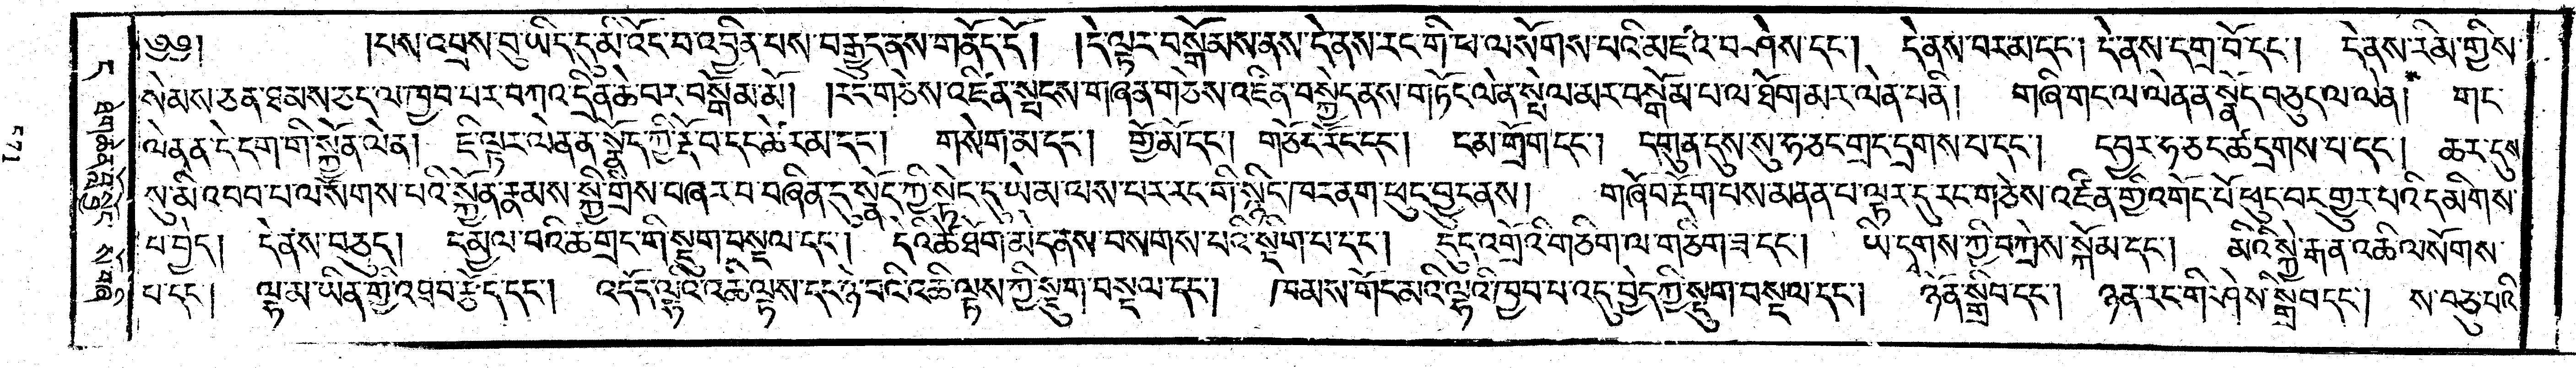༄༅། །པས་འབྲས་བུ་ཡིད་དུ་མི་འོང་བ་འབྱིན་པས་བརྒྱུད་ནས་གནོད་དོ། །དེ་ལྟར་བསྒོམས་ནས་དེ་ནས་རང་གི་ཕ་ལ་སོགས་པའི་མཛའ་བཤེས་དང་། དེ་ནས་བར་མ་དང་། དེ་ནས་དགྲ་བོ་དང་། དེ་ནས་རིམ་གྱིས་
སེམས་ཅན་ཐམས་ཅད་ལ་ཁྱབ་པར་བཀའ་དྲིན་ཆེ་བར་བསྒོམ་མོ། །རང་གཅེས་འཛིན་སྤངས་གཞན་གཅེས་འཛིན་བསྐྱེད་ནས་གཏོང་ལེན་སྤེལ་མར་བསྒོམ་པ་ལ་ཐོག་མར་ལེན་པ་ནི། གཞི་གང་ལ་ལེན་ན་སྣོད་བཅུད་ལ་ལེན། གང་
ལེན་ན་དེ་དག་གི་སྐྱོན་ལེན། ཇི་ལྟར་ལེན་ན་སྣོད་ཀྱི་རྡོ་བ་དང་ཚེ་རམ་དང་། གསེག་མ་དང་། གྱོ་མོ་དང་། གཅོད་རོང་དང་། ངམ་གྲོག་དང་། དགུན་དུས་སུ་ཧ་ཅང་གྲང་དྲགས་པ་དང་། དབྱར་ཧ་ཅང་ཚ་དྲགས་པ་དང་། ཆར་དུས་
སུ་མི་འབབ་པ་ལ་སོགས་པའི་སྐྱོན་རྣམས་སྐྱི་གྲིས་བཞར་བ་བཞིན་དུ་སྣོད་ཀྱི་སྟེང་དུ་ཡེ་མ་ལས་པར་རང་གི་སྙིང་ཁར་ནག་ཕུང་བྱུང་ནས། གཞོ་བ་རྡོག་པས་མནན་པ་ལྟར་དུ་རང་གཅེས་འཛིན་གྱི་འགོང་པོ་ཕུང་བར་གྱུར་པའི་དམིགས་
པ་བྱེད། དེ་ནས་བཅུད། དམྱལ་བའི་ཚ་གྲང་གི་སྡུག་བསྔལ་དང་། དེའི་ཚེ་ཐོག་མེད་ནས་བསགས་པའི་སྡིག་པ་དང་། དུད་འགྲོའི་གཅིག་ལ་གཅིག་ཟ་དང་། ཡི་དྭགས་ཀྱི་བཀྲེས་སྐོམ་དང་། མིའི་སྐྱེ་རྒ་ན་འཆི་ལ་སོགས་
པ་དང་། ལྷ་མ་ཡིན་གྱི་འཐབ་རྩོད་དང་། འདོད་ལྷའི་འཆི་ལྟས་དང་ཉེ་བའི་འཆི་ལྟས་ཀྱི་སྡུག་བསྔལ་དང་། ཁམས་གོང་མའི་ལྷའི་ཁྱབ་པ་འདུ་བྱེད་ཀྱི་སྡུག་བསྔལ་དང་། ཉོན་སྒྲིབ་དང་། ཉན་རང་གི་ཤེས་སྒྲིབ་དང་། ས་བཅུ་པའི་